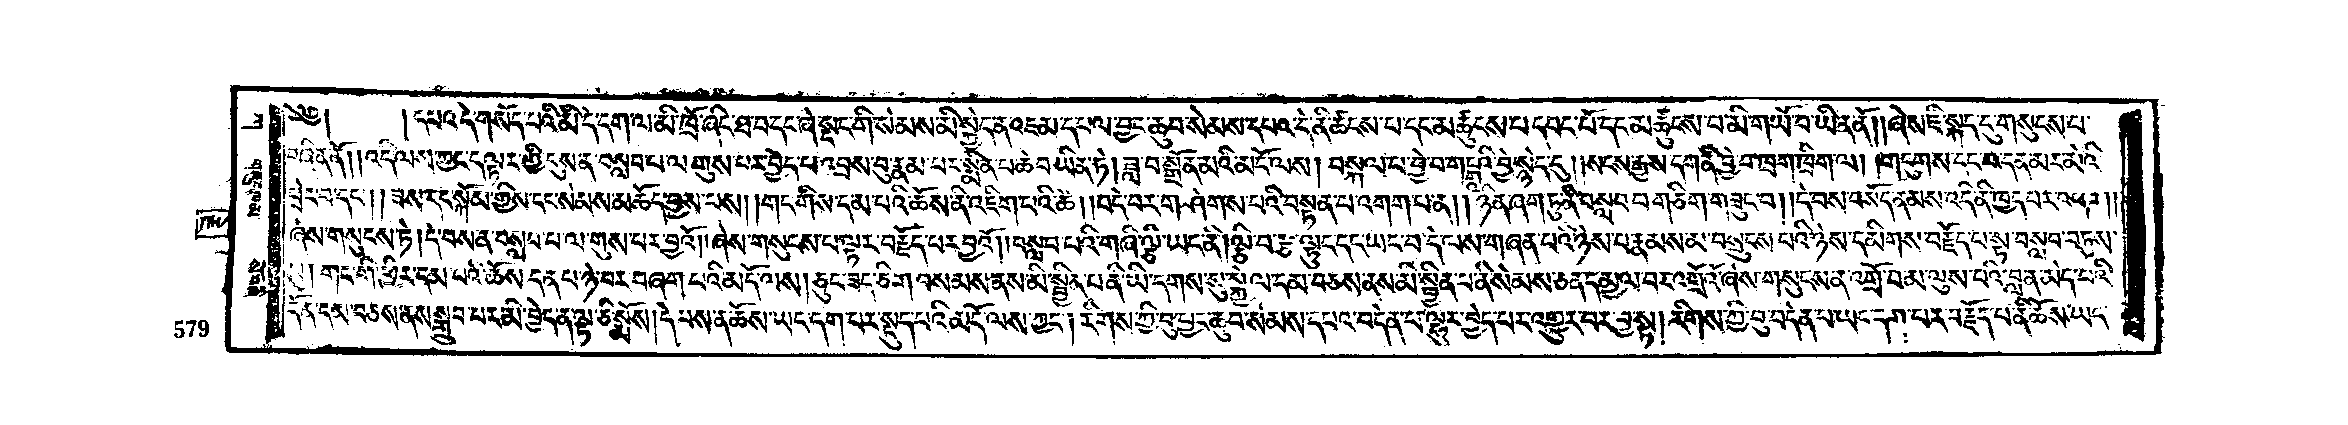༄༅། །དཔའ་དེ་གསོད་པའི་མི་དེ་དག་ལ་མི་ཁྲོ་ཞིང་ཐ་བ་དང་ཞེ་སྡང་གི་སེམས་མི་སྐྱེད་ན་འཇམ་དཔལ་བྱང་ཆུབ་སེམས་དཔའ་དེ་ནི་ཚངས་པ་དང་མཚུངས་པ་དབང་པོ་དང་མཚུངས་པ་མི་གཡོ་བ་ཡིན་ནོ། །ཞེས་ཇི་སྐད་དུ་གསུངས་པ་
བཞིན་ནོ། །འདི་ལས་ཀྱང་ད་ལྟར་གྱི་དུས་ན་བསླབ་པ་ལ་གུས་པར་བྱེད་པ་འབྲས་བུ་རྣམ་པར་སྨིན་པ་ཆེ་བ་ཡིན་ཏེ། ཟླ་བ་སྒྲོན་མའི་མདོ་ལས། བསྐལ་པ་བྱེ་བ་གངྒཱའི་བྱེ་སྙེད་དུ། །སངས་རྒྱས་དག་ནི་བྱེ་བ་ཁྲག་ཁྲིག་ལ། །གདུགས་དང་བ་དན་མར་མེའི་
ཕྲེང་བ་དང་། །ཟས་དང་སྐོམ་གྱིས་དང་སེམས་མཆོད་བྱས་པས། །གང་གིས་ད་མ་པའི་ཆོས་ནི་འཇིག་པའི་ཚེ། །བདེ་བར་གཤེགས་པའི་བསྟན་པ་འགག་པ་ན། །ཉིན་ཞག་ཏུ་ནི་བསླབ་པ་གཅིག་གཟུང་བ། །དེ་བས་བསོད་ནམས་འདི་ནི་ཁྱད་པར་འཕགས། །
ཞེས་གསུངས་ཏེ། དེ་བས་ན་བསླབ་པ་ལ་གུས་པར་བྱའོ། །ཞེས་གསུངས་པ་ལྟར་བརྗོད་པར་བྱའོ། །བསླབ་པའི་གཞི་ལྕི་ཡང་ནི། ལྕི་བ་རྩ་ལྟུང་དང་ཡང་བ་དེ་ལས་གཞན་པའི་ཉེས་པ་རྣམས་མ་བསྲུངས་པའི་ཉེས་དམིགས་བརྗོད་པ་སྟ་བསླབ་བཏུས་
སུ། གང་གི་ཕྱིར་དམ་པའི་ཆོས་དན་པ་ཉེ་བར་བཞག་པའི་མདོ་ལས། ཅུང་ཟད་ཅིག་བསམས་ནས་མི་སྦྱིན་པ་ནི་ཡི་དགས་སུ་སྐྱེལ་དམ་བཅས་ནས་མི་སྦྱིན་པ་ནི་སེམས་ཅན་དམྱལ་བར་འགྲོའོ་ཞེས་གསུངས་ན་འགྲོ་བ་མ་ལུས་པའི་བླ་ན་མེད་པའི་
དོན་དམ་བཅས་ནས་སྒྲུབ་པར་མི་བྱེད་ན་ལྟ་ཅི་སྨོས། དེ་པས་ན་ཆོས་ཡང་དག་པར་སྡུད་པའི་མདོ་ལས་ཀྱང་། རིགས་ཀྱི་བུ་བྱང་ཆུབ་སེམས་དཔའ་བདེན་པ་ལྷུར་བྱེད་པར་འགྱུར་བར་བྱ་སྟ། རིགས་ཀྱི་བུ་བདེན་པ་ཡང་དག་པར་བརྗོད་པ་ནི་ཆོས་ཡང་